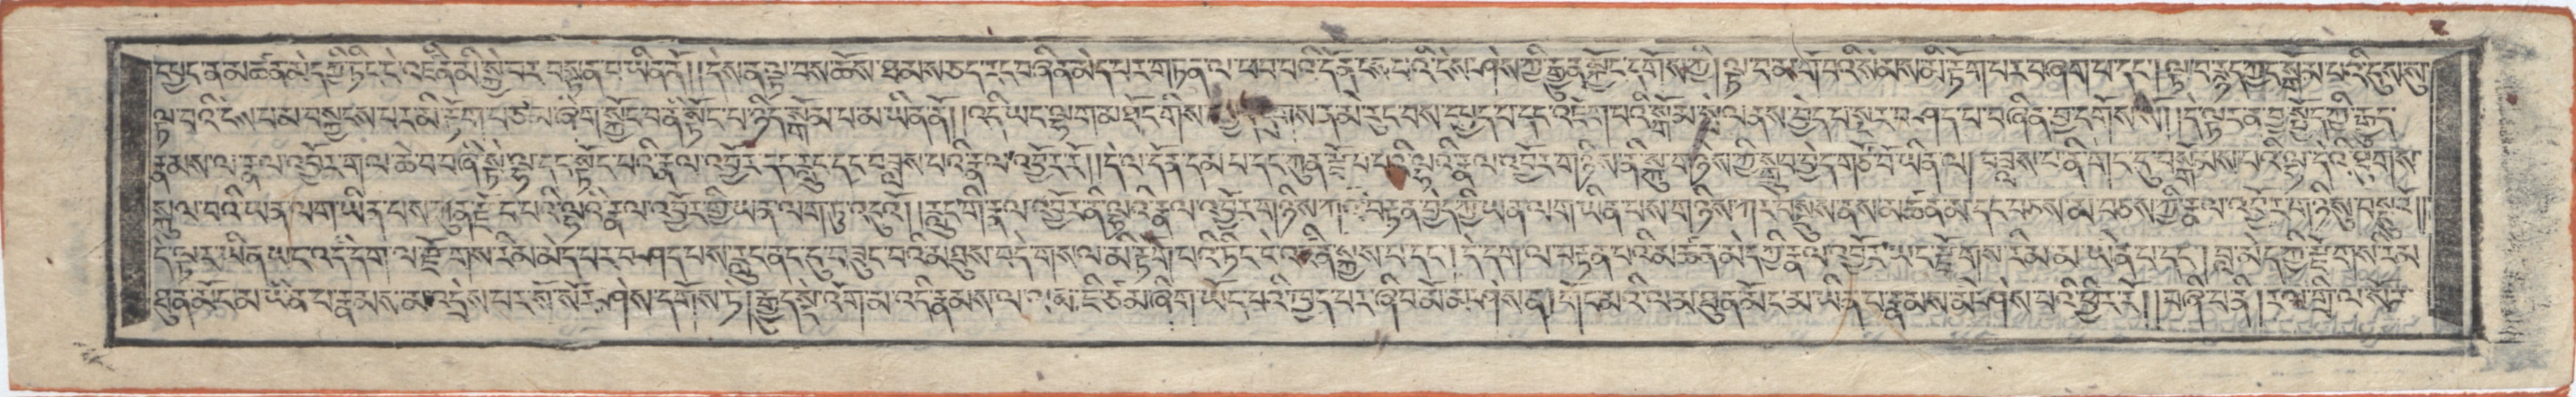དཔྱད་ན་མཚན་མེད་ཀྱི་ཏིང་ངེ་འཛིན་མི་སྐྱེ་བར་བསྟན་པ་ཡིན་ནོ། །དེས་ན་ལྟ་བས་ཆོས་ཐམས་ཅད་རང་བཞིན་མེད་པར་གཏན་ལ་ཕབ་པའི་དོན་ངས་པའི་ངེས་ཤེས་ཀྱི་རྒྱུན་སྐྱོང་དགོས་ཀྱི། ལྟ་བ་མ་གོ་བའི་སེམས་མི་རྟོག་པར་བཞག་པ་དང་། ལྟ་བ་རྙེད་ཀྱང་སྒོམ་པའི་དུས་སུ་
ལྟ་བའི་ངེས་པ་མ་བསྐྱངས་པར་མི་རྟོག་པ་ཙམ་ཞིག་སྐྱོང་བ་ནི་སྟོང་པ་ཉིད་སྒོམ་པ་མ་ཡིན་ནོ། །འདི་ཡང་ལྷག་མཐོང་གིས་དཔྱད་དྲགས་ན་མི་རུང་བས་དཔྱད་པ་དང་འཇོག་པའི་སྒོམ་སྤེལ་ནས་བྱེད་པ་སྔར་བཤད་པ་བཞིན་བྱ་དགོས་སོ། །དེ་ལྟར་ན་བྱ་སྤྱོད་ཀྱི་རྒྱུད་
རྣམས་ལ་རྣལ་འབྱོར་གལ་ཆེ་བ་བཞི་སྟེ་ལྷ་དང་སྟོང་པའི་རྣལ་འབྱོར་དང་རླུང་དང་བཟླས་པའི་རྣལ་འབྱོར་རོ། །དེ་ལ་དོན་དམ་པ་དང་ཀུན་རྫོབ་པའི་ལྷའི་རྣལ་འབྱོར་གཉིས་ནི་སྐུ་གཉིས་ཀྱི་སྒྲུབ་བྱེད་གཙོ་བོ་ཡིན་ལ། བཟླས་པ་ནི་གང་དུ་བསྒོམས་པའི་ལྷ་དེའི་ཐུགས་
སྐུལ་བའི་ཡན་ལག་ཡིན་པས་ཀུན་རྫོབ་པའི་ལྷའི་རྣལ་འབྱོར་གྱི་ཡན་ལག་ཏུ་འདུའོ། །རླུང་གི་རྣལ་འབྱོར་ནི་ལྷའི་རྣལ་འབྱོར་གཉིས་ཀའི་བརྟན་བྱེད་ཀྱི་ཡན་ལག་ཡིན་པས་གཉིས་ཀར་བསྡུས་ནས་མཚན་མ་དང་བཅས་མ་བཅས་ཀྱི་རྣལ་འབྱོར་གཉིས་སུ་བསྡུའོ།།
དེ་ལྟར་ཡིན་ཡང་འདི་དག་ལ་རྫོགས་རིམ་མེད་པར་བཤད་པས་རླུང་ནང་དུ་བཟུང་བའི་མཐུས་བདེ་གསལ་མི་རྟོག་པའི་ཏིང་ངེ་འཛིན་སྐྱེས་པ་དང་། དེ་དག་ལ་བརྟན་པའི་མཚན་མེད་ཀྱི་རྣལ་འབྱོར་ཡང་རྫོགས་རིམ་མ་ཡིན་པ་དང་། བླ་མེད་ཀྱི་རྫོགས་རིམ་
ཐུན་མོང་མ་ཡིན་པ་རྣམས་མ་འདྲེས་པར་སོ་སོར་ཤེས་དགོས་ཏེ། རྒྱུད་སྡེ་འོག་མ་འདི་རྣམས་ལ་ལམ་ཇི་ཙམ་ཞིག་ཡོད་པའི་ཁྱད་པར་ཞིབ་མོ་མ་ཤེས་ན། གོང་མའི་ལམ་ཐུན་མོང་མ་ཡིན་པ་རྣམས་མི་ཤེས་པའི་ཕྱིར་རོ། །བཞི་པ་ནི། རལ་གྲི་ལ་སོགས་